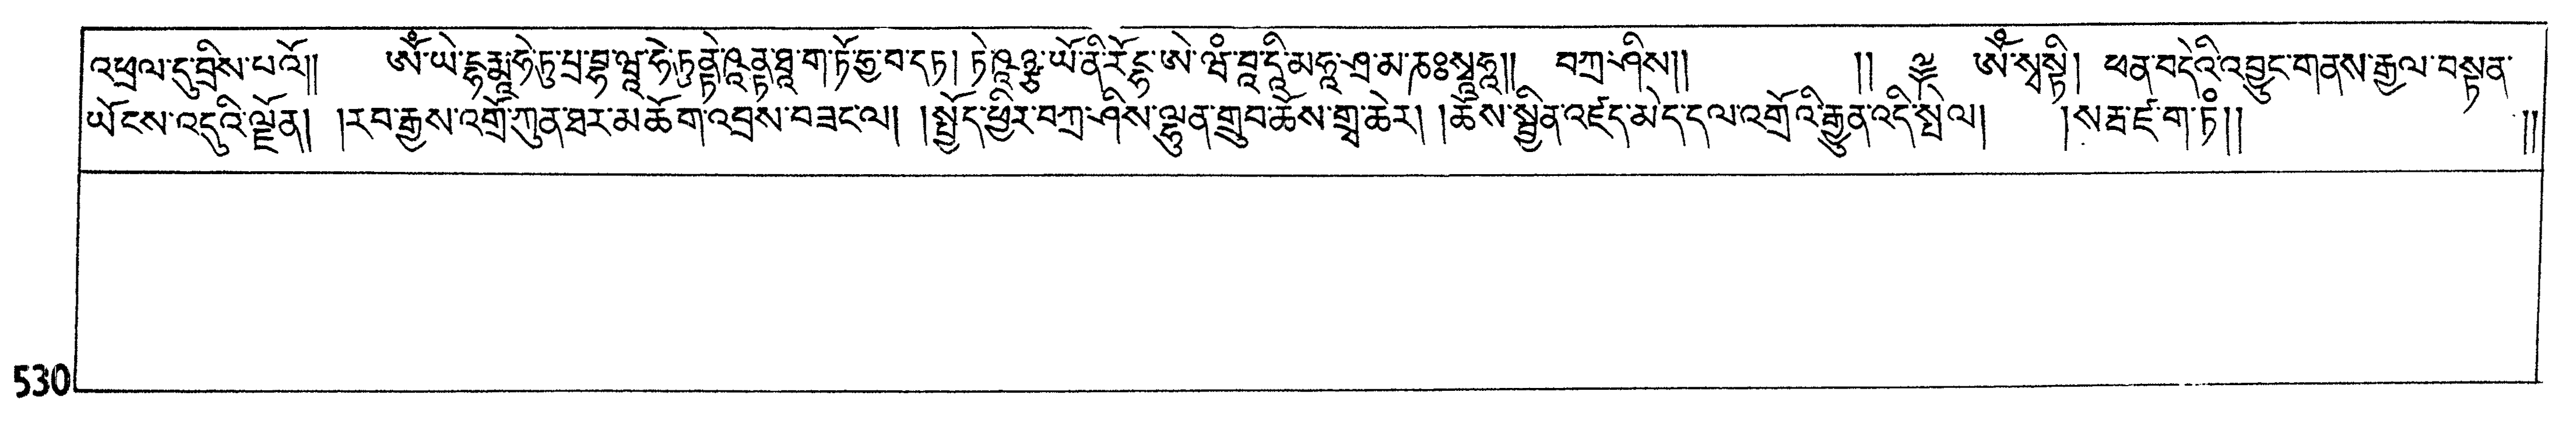འཕྲལ་དུ་བྲིས་པའོ།། ཨོཾ་ཡེ་དྷ་རྨཱ་ཧེ་ཏུ་པྲ་བྷ་ཝཱ་ཧེ་ཏུ་ནྟེ་ཥཱནྟ་ཐཱ་ག་ཏོ་ཧྱ་བ་ད་ཏ། ཏེ་ཥཱཉྩ་ཡོ་ནི་རོདྷ་ཨེ་ཝཾ་བཱ་དཱི་མཧཱ་ཤྲ་མ་ཎཿ སྭཱ་ཧཱ།། བཀྲ་ཤིས།། །། ༈ ཨོཾ་སྭ་སྟི། ཕན་བདེའི་འབྱུང་གནས་རྒྱལ་བསྟན་
ཡོངས་འདུའི་ལྗོན། །རབ་རྒྱས་འགྲོ་ཀུན་ཐར་མཆོག་འབྲས་བཟང་ལ། །སྤྱོད་ཕྱིར་བཀྲ་ཤིས་ལྷུན་གྲུབ་ཆོས་གྲྭ་ཆེར། །ཆོས་སྦྱིན་འཛད་མེད་དལ་འགྲོའི་རྒྱུན་འདི་སྤེལ། །སརྦ་ཛ་ག་ཏཾ།། །།